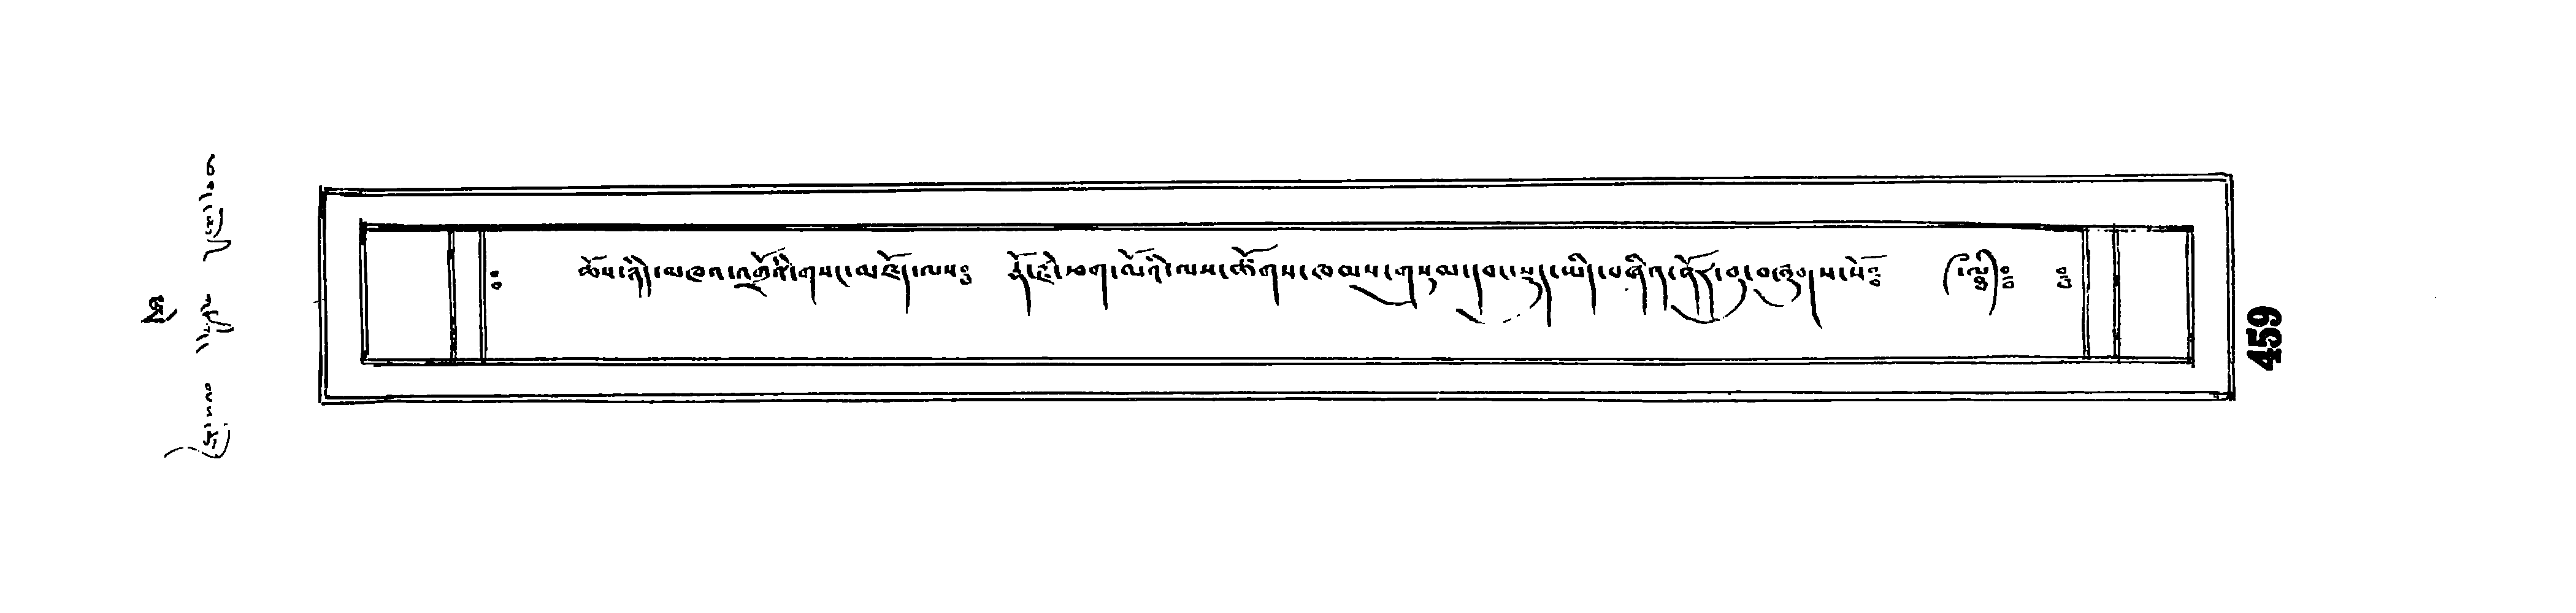ཆོས་ཉིད་མཁའ་འགྲོའི་གསང་མཛོད་ལས༔ རྡོ་རྗེ་ཕག་མོའི་ལས་ཚོགས་ཁམས་གསུམ་དབང་སྡུད་ཡིད་བཞིན་ནོར་བུ་བཞུགས་སོ༔ ༔